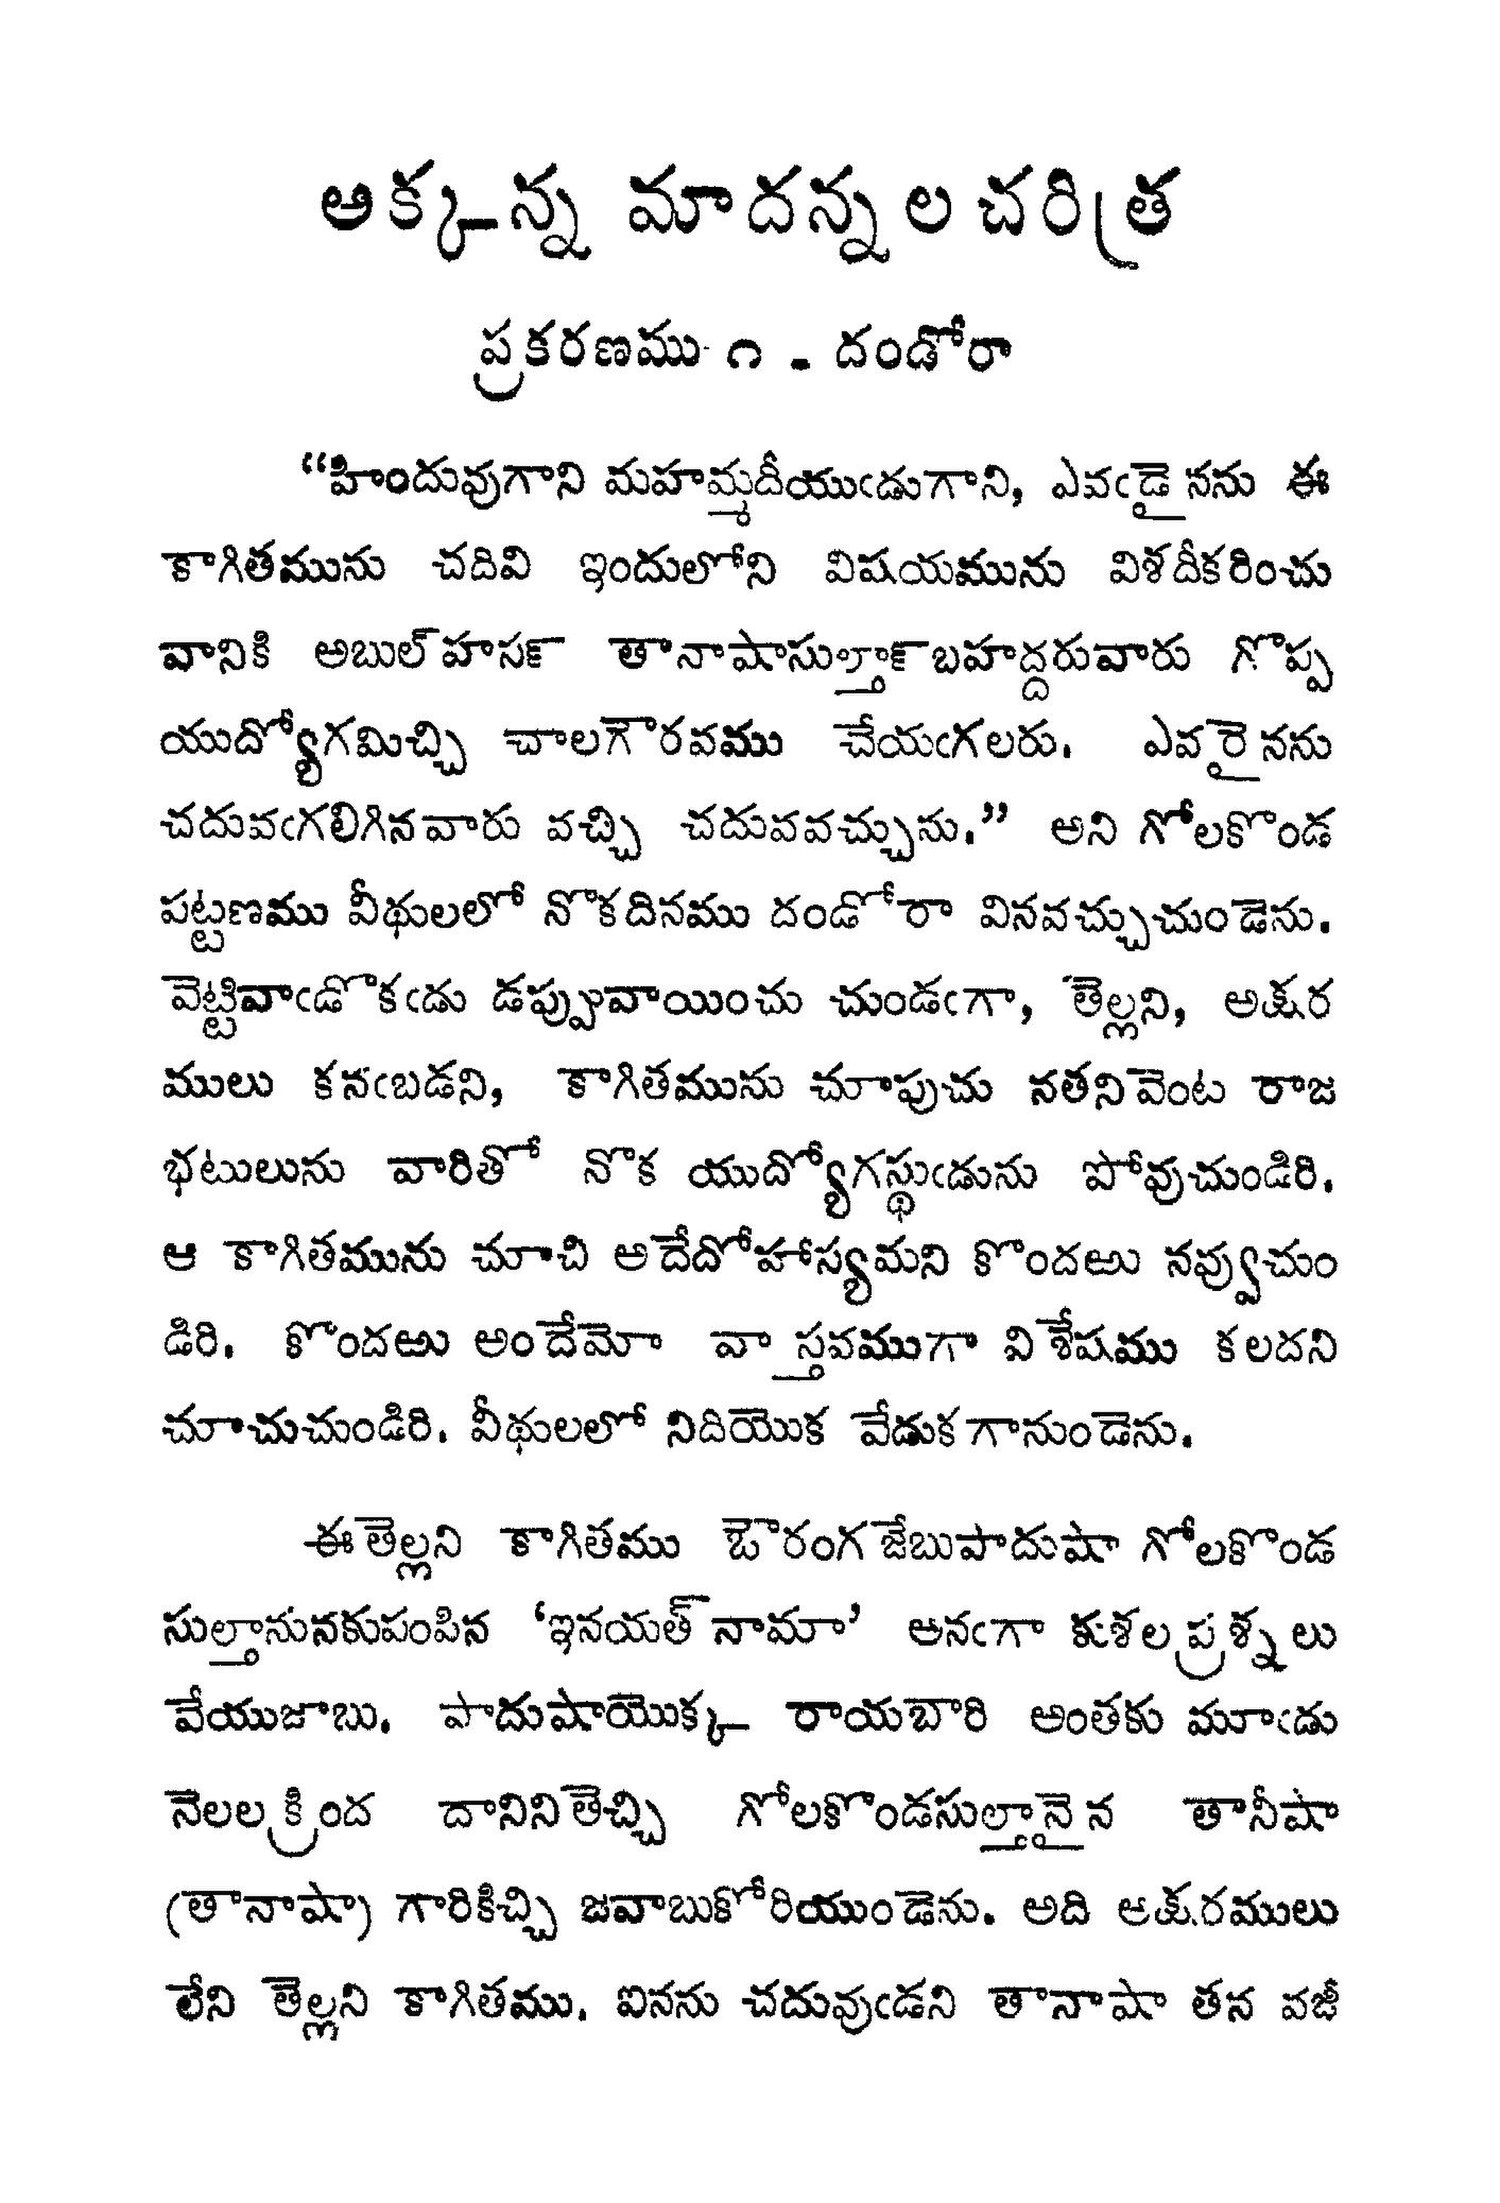“హిందువుగాని మహమ్మదీయుఁడుగాని, ఎవఁడైనను ఈ కాగితమును చదివి ఇందులోని విషయమును విశదీకరించు వానికి అబుల్‌హసౝ తానాషాసుల్తాౝబహద్దరువారు గొప్ప యుద్యోగమిచ్చి చాలగౌరవము చేయఁగలరు. ఎవరైనను చదువఁగలిగినవారు వచ్చి చదువవచ్చును.” అని గోలకొండ పట్టణము వీథులలో నొకదినము దండోరా వినవచ్చుచుండెను. వెట్టివాఁడొకఁడు డప్పువాయించు చుండఁగా, తెల్లని, అక్షరములు కనఁబడని, కాగితమును చూపుచు నతనివెంట రాజభటులును వారితో నొక యుద్యోగస్థుఁడును పోవుచుండిరి. ఆ కాగితమును చూచి అదేదోహాస్యమని కొందఱు నవ్వుచుండిరి. కొందఱు అందేమో వాస్తవముగా విశేషము కలదని చూచుచుండిరి. వీథులలో నిదియొక వేడుకగానుండెను.

ఈతెల్లని కాగితము ఔరంగజేబుపాదుషా గోలకొండ సుల్తానునకుపంపిన ‘ఇనయత్‌నామా’ అనఁగా కుశలప్రశ్నలు వేయుజాబు. పాదుషాయెుక్క రాయబారి అంతకు మూఁడు నెలలక్రింద దానినితెచ్చి గోలకొండసుల్తానైన తానీషా (తానాషా) గారికిచ్చి జవాబుకోరియుండెను. అది అక్షరములు లేని తెల్లని కాగితము. ఐనను చదువుఁడని తానాషా తన వజీ